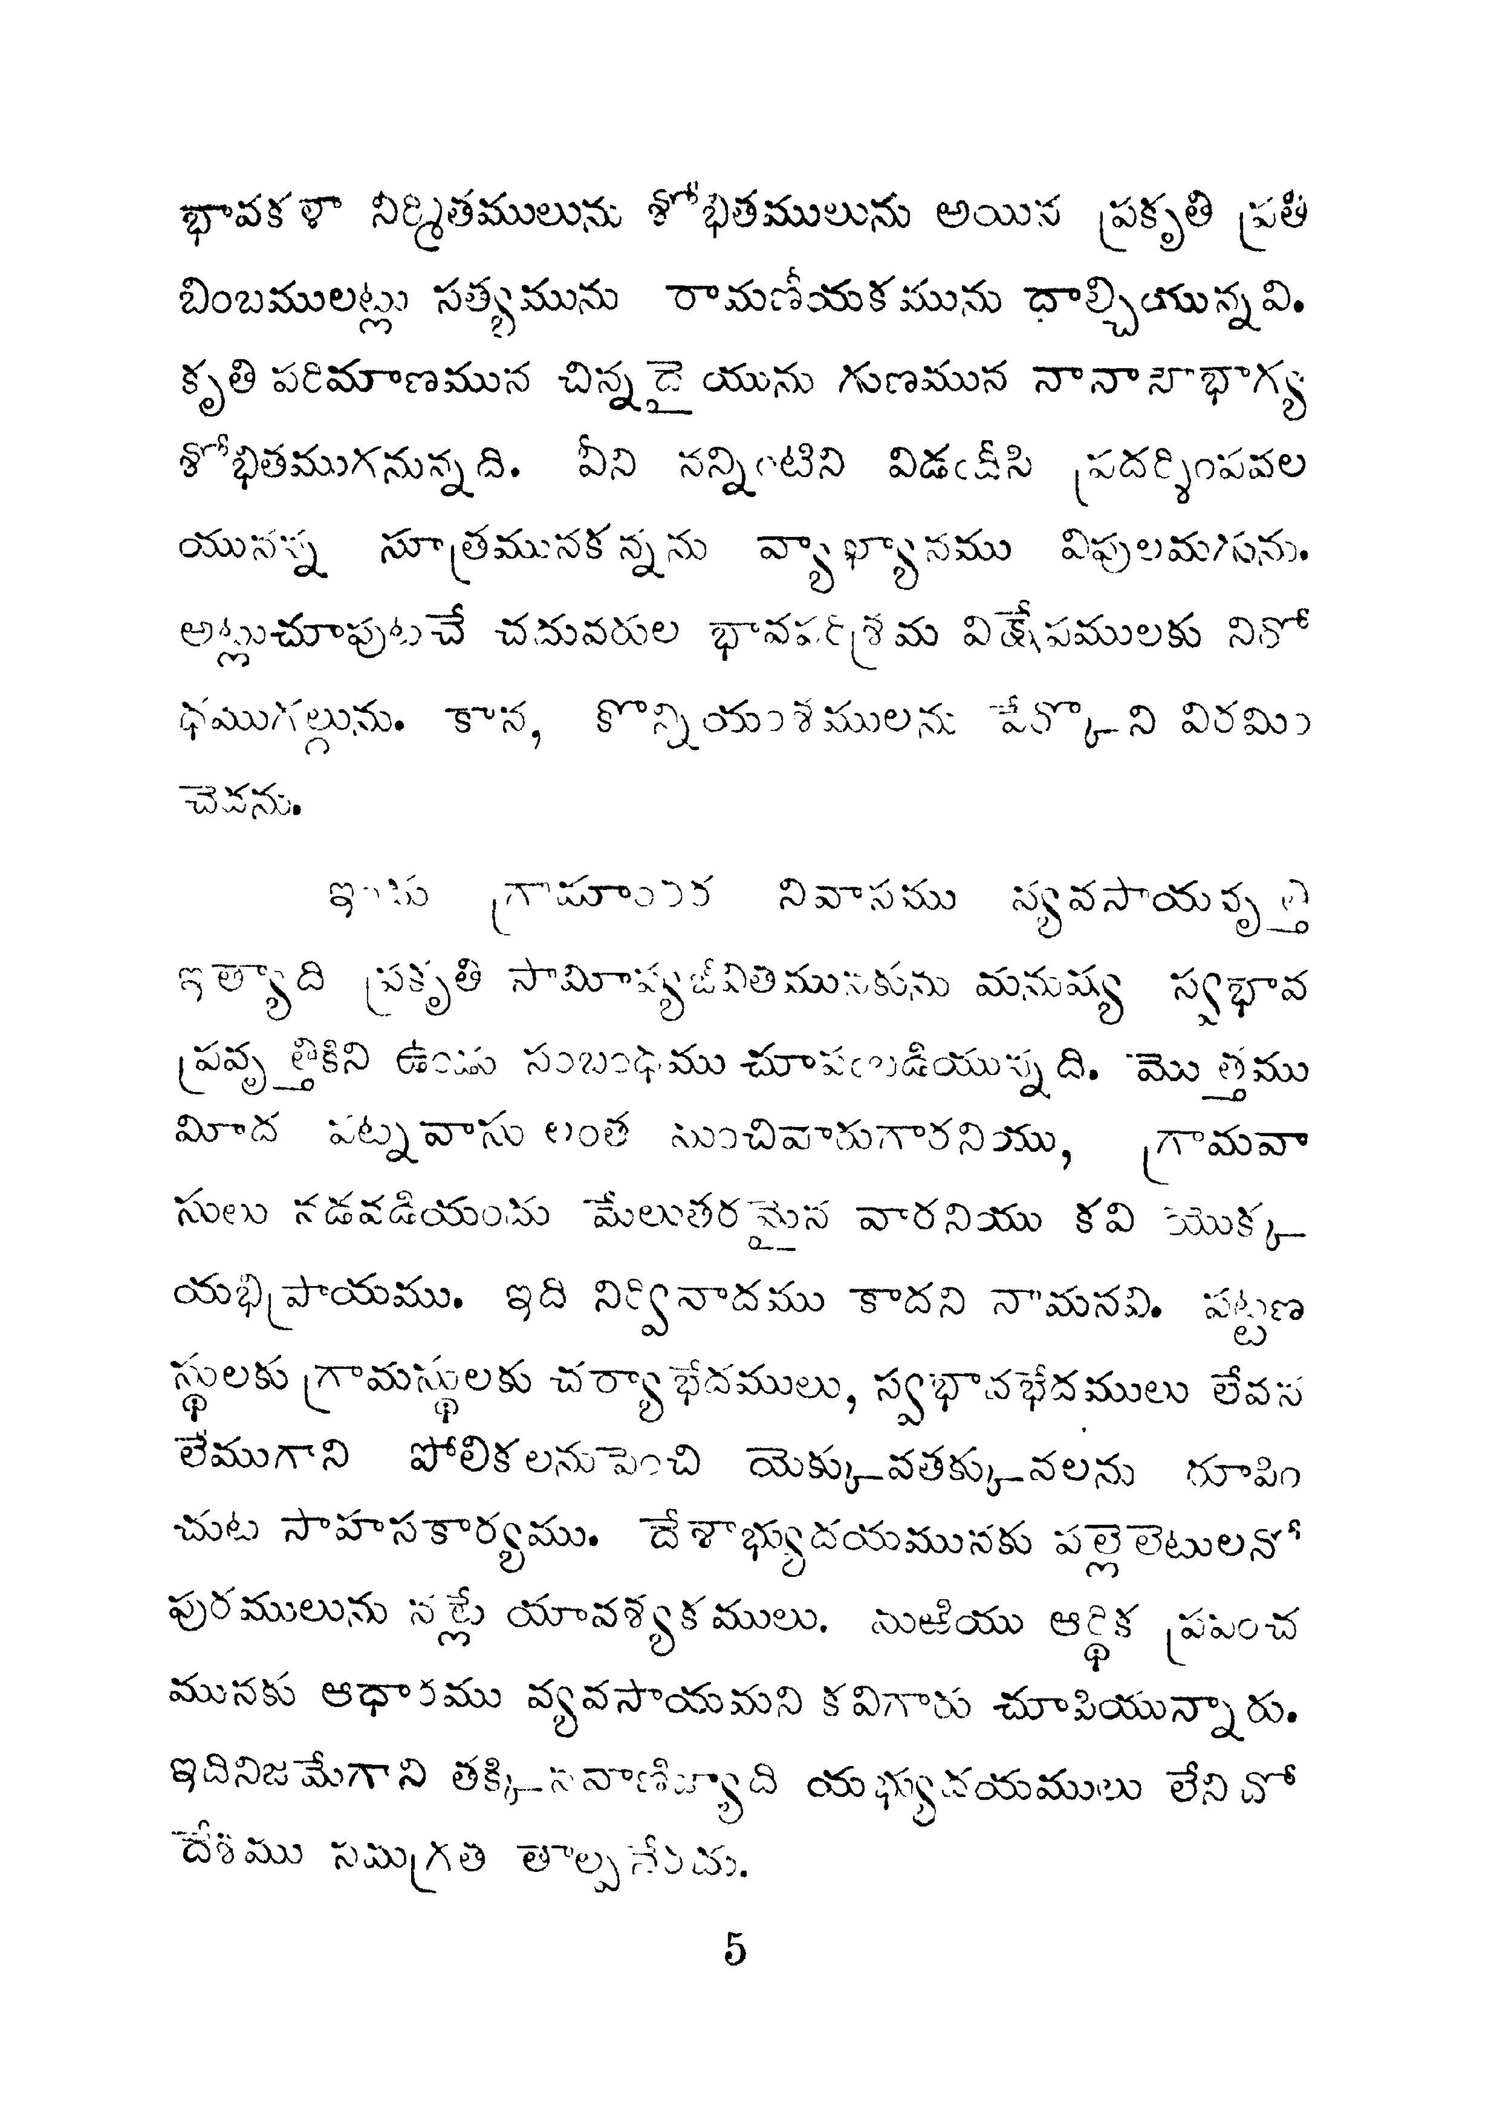భావకళా నిర్మితములును శోభితములును అయిన ప్రకృతి ప్రతిబింబములట్లు సత్యమును రామణీయకమును దాల్చియున్నవి. కృతిపరిమాణమున చిన్నదైయును గుణమున నానాసౌభాగ్య శోభితముగనున్నది. వీని నన్నింటిని విడదీసి ప్రదర్శింపవలయునన్న సూత్రమునకన్నను వ్యాఖ్యానము విపులమగును. అట్లు చూపుటచే చదువరుల భావపరిశ్రమ విక్షేపములకు నిరోధముగల్గును. కాన, కొన్ని యంశములను పేర్కొని విరమించెదను.

ఇందు గ్రామాంతర నివాసము వ్యవసాయవృత్తి ఇత్యాది ప్రకృతి సామీప్యజీవితమునకును మనుష్య స్వభావ ప్రవృత్తికిని ఉండు సంబంధము చూపబడియున్నది. మొత్తముమీద పట్నవాసు లంత మంచివారుగారనియు, గ్రామవాసులు నడవడియందు మేలుతరమైన వారనియు కవి యొక్క అభిప్రాయము. ఇది నిర్వివాదము కాదని నామనవి. పట్టణస్థులకు గ్రామస్థులకు చర్యాబేధములు, స్వభావభేదములు లేవనలేముగాని, పోలికలనుపెంచి యెక్కువతక్కువలను రూపించుట సాహసకార్యము. దేశాభ్యుదయమునకు పల్లెలెటులనో పురములును నట్లే యావశ్యకములు. మఱియు ఆర్థిక ప్రపంచమునకు ఆధారము వ్యవసాయమని కవిగారు చూపియున్నారు. ఇదినిజమేగాని తక్కినవాణిజ్యాది యభ్యుదయములు లేనిచో దేశము సమగ్రత తాల్వనేరదు.